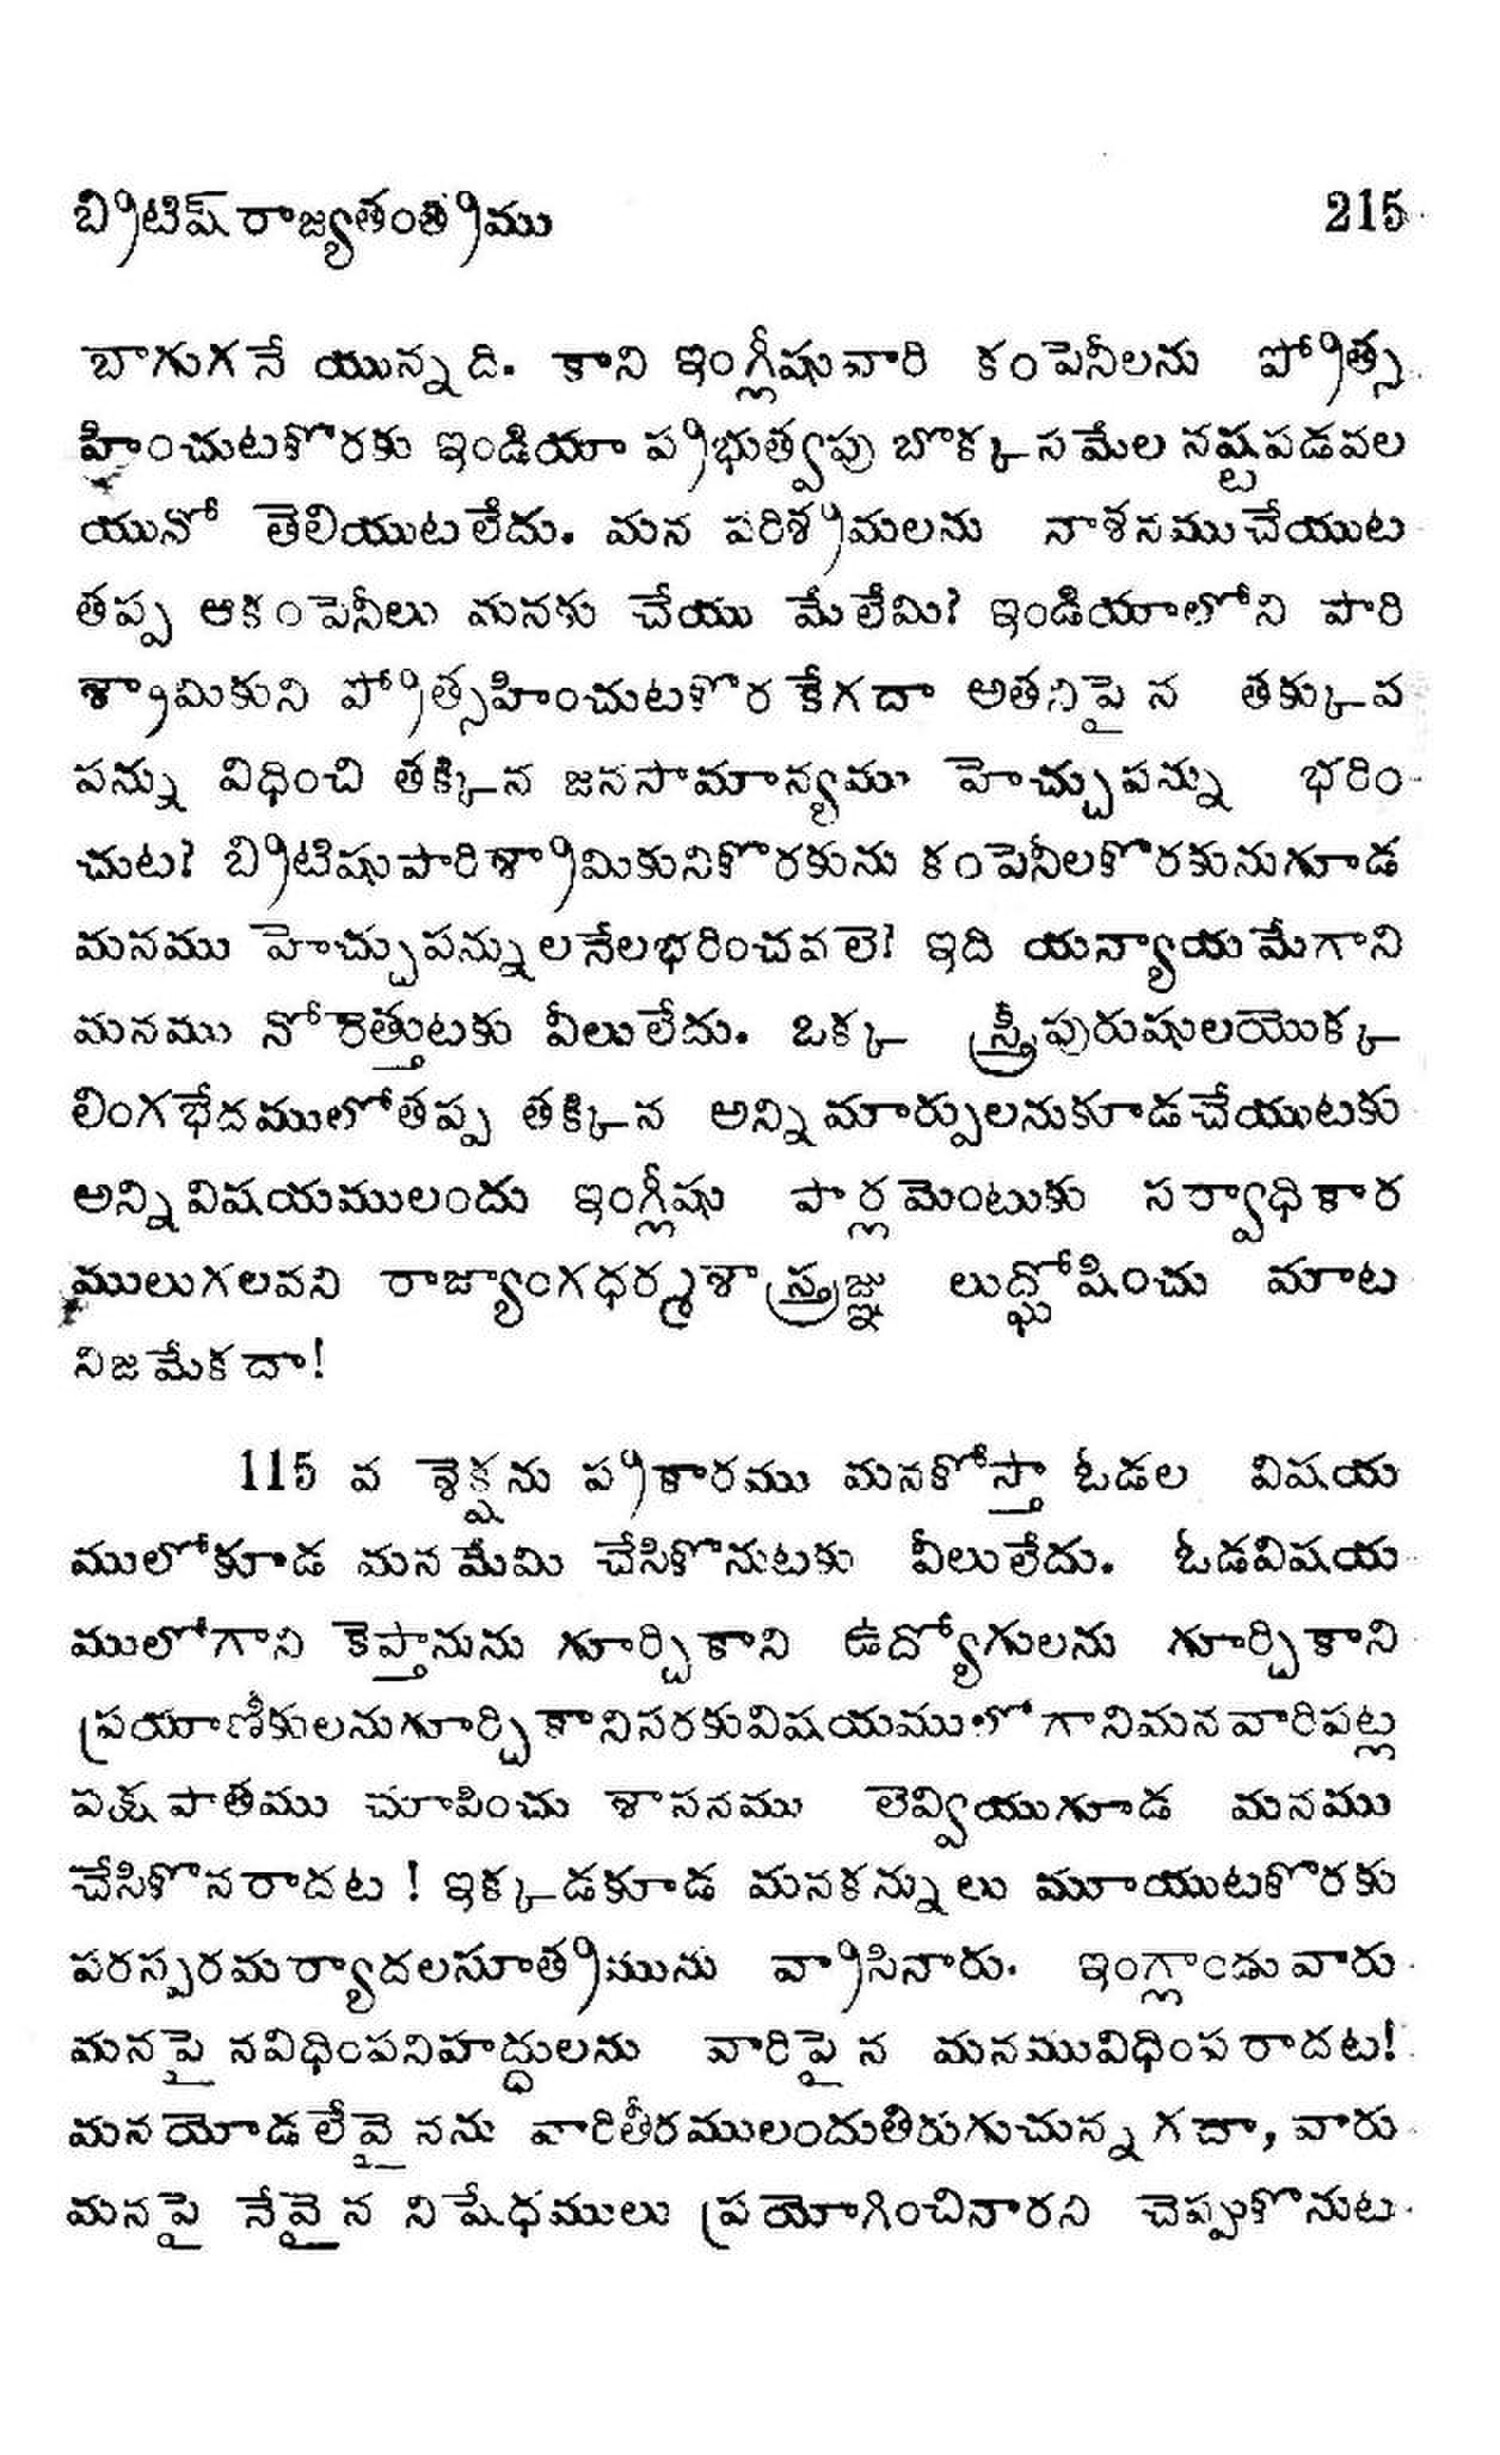బాగుగనే యున్నది. కాని ఇంగ్లీషువారి కంపెనీలను ప్రోత్సహించుటకొరకు ఇండియా ప్రభుత్వపు బొక్కసమేల సష్టపడవలయునో తెలియుటలేదు. మన పరిశ్రమలను నాశనముచేయుట తప్ప ఆకంపెనీలు మనకు చేయు మేలేమి? ఇండియాలోని పారిశ్రామికుని పోత్సహించుటకొరకేగదా అతనిపైన తక్కువపన్ను విధించి తక్కిన జనసామాన్యము హెచ్చుపన్ను భరించుట! బ్రిటిషుపారిశ్రామికునికొరకును కంపెనీలకొరకునుగూడ మనము హెచ్చుపన్నులనేల భరించవలె? ఇది యన్యాయమేగాని మనము నోరెత్తుటకు వీలులేదు. ఒక్క స్త్రీపురుషులయొక్క లింగభేదములోతప్ప తక్కిన అన్ని మార్పులనుకూడచేయుటకు అన్ని విషయములందు ఇంగ్లీషు పార్లమెంటుకు సర్వాధికారములుగలవని రాజ్యాంగధర్మశాస్త్రజ్ఞు లుద్ఘోషించు మాట నిజమేకదా!

115 వ శెక్షను ప్రకారము మనకోస్తా ఓడల విషయములోకూడ మనమేమి చేసికొనుటకు వీలులేదు. ఓడవిషయములోగాని కెప్తానును గూర్చికాని ఉద్యోగులను గూర్చికాని ప్రయాణీకులనుగూర్చికాని సరకువిషయములో గానిమనవారిపట్ల పక్షపాతము చూపించు శాసనము లెవ్వియుగూడ మనము చేసికొనరాదట ! ఇక్కడకూడ మనకన్నులు మూయుటకొరకు పరస్పరమర్యాదలసూత్రమును వ్రాసినారు. ఇంగ్లాండువారు మనపైన విధింపనిహద్దులను వారిపైన మనమువిధింపరాదట! మనయోడలేవైనను వారితీరములందుతిరుగుచున్న గదా, వారు మనపై నేవైన నిషేధములు ప్రయోగించినారని చెప్పుకొనుట.